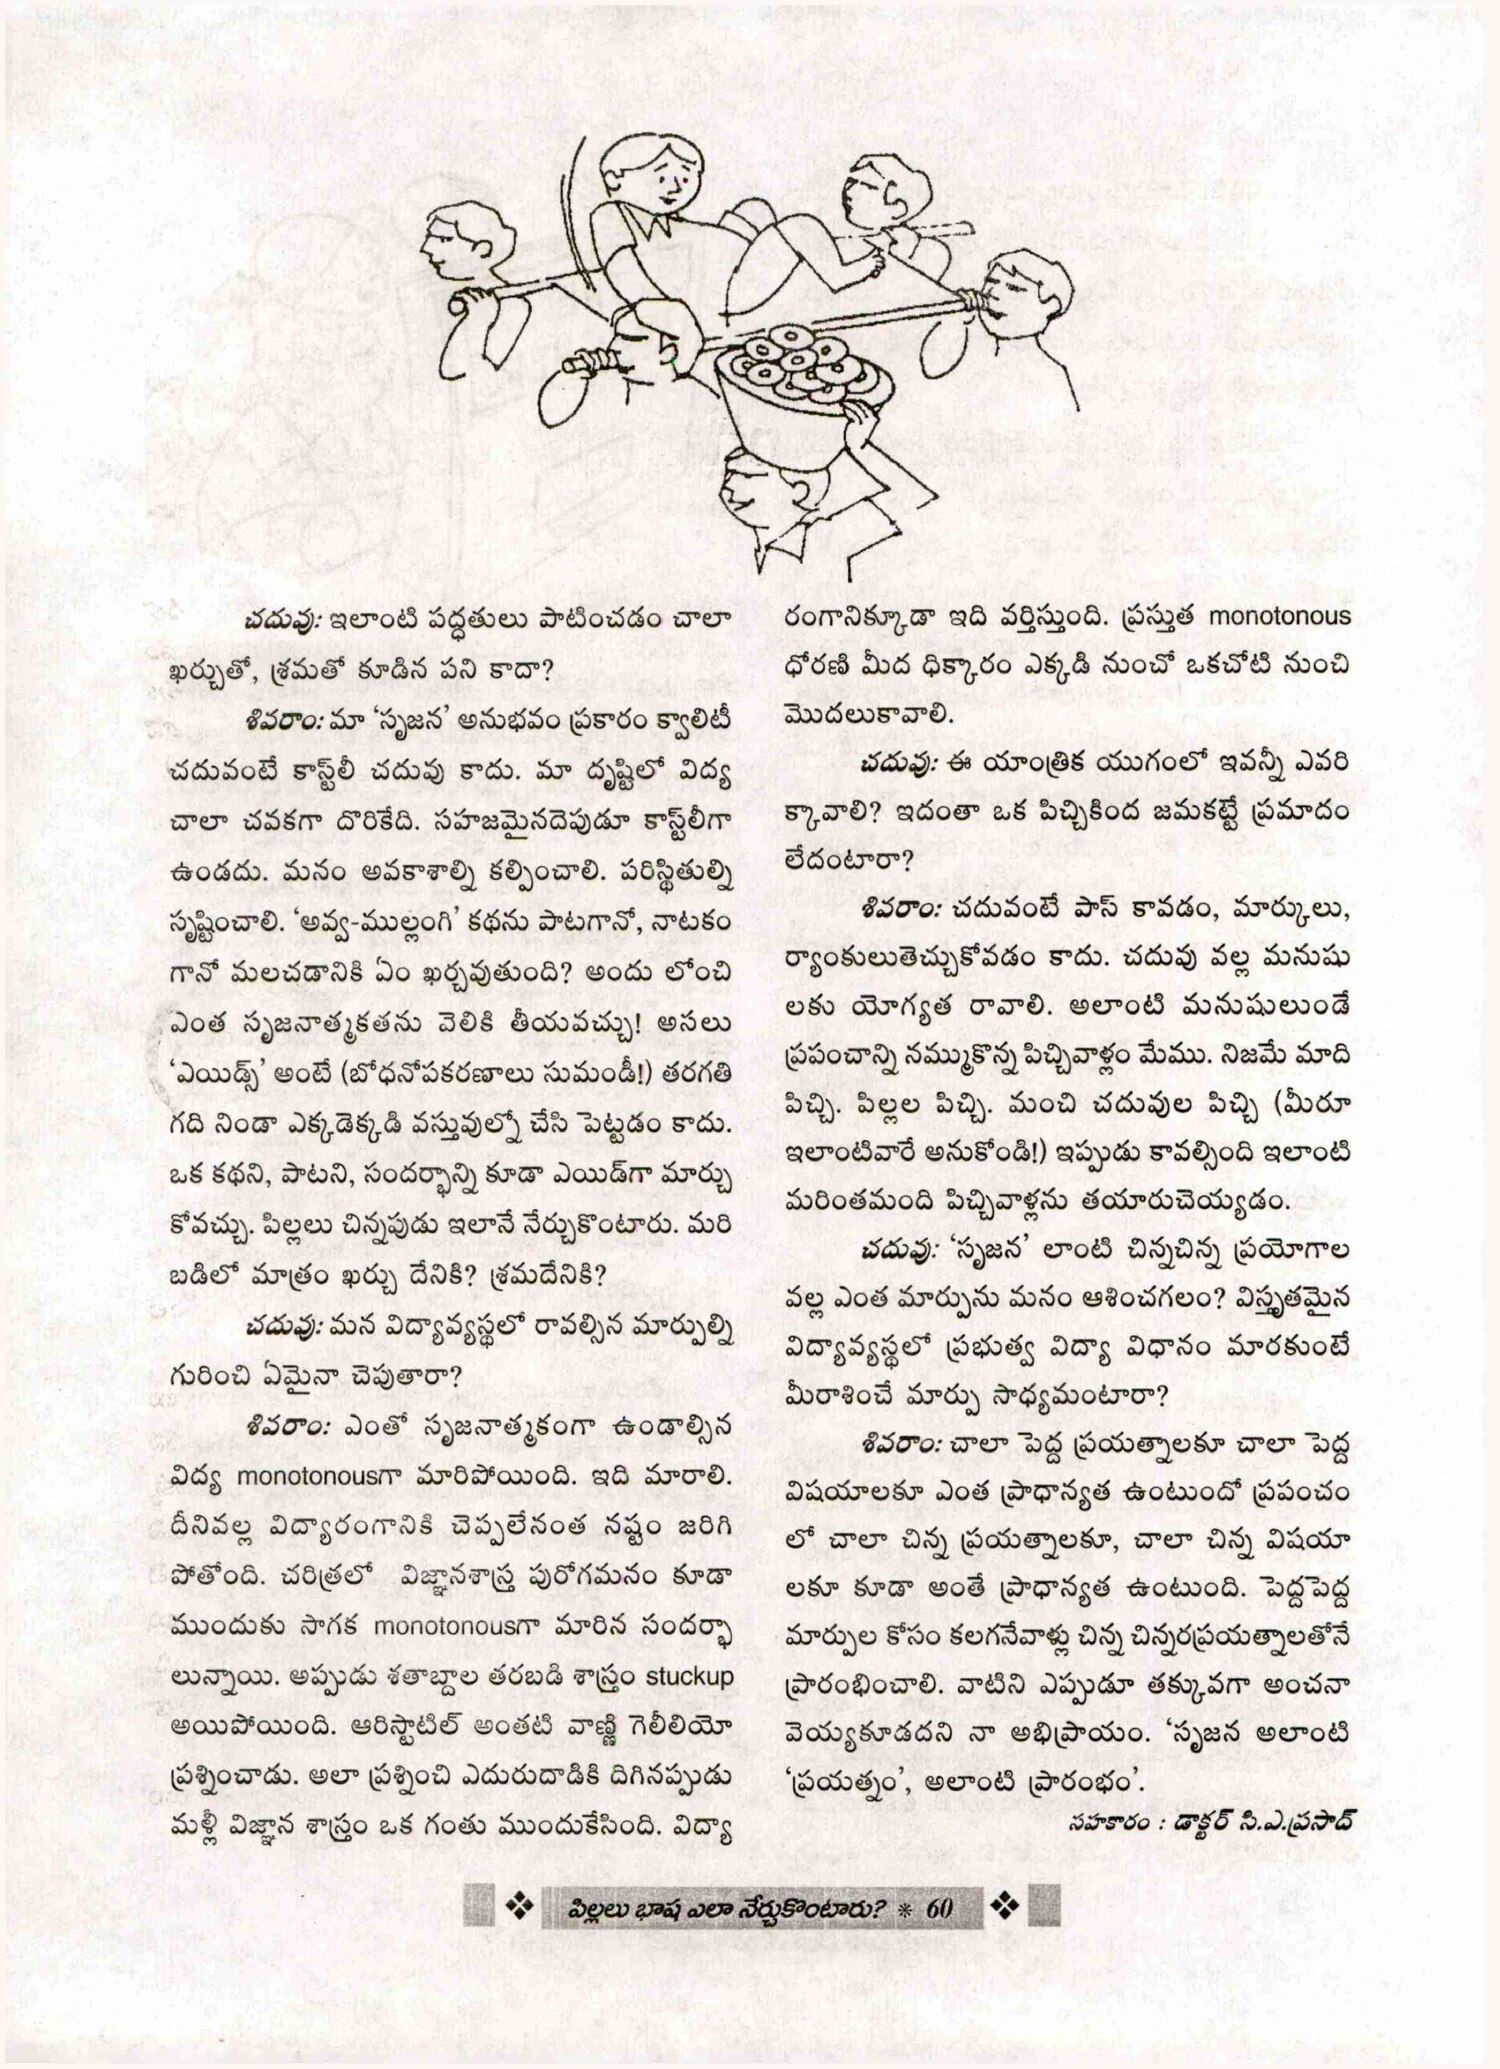చదువు: ఇలాంటి పద్ధతులు పాటించడం చాలా ఖర్చుతో, శ్రమతో కూడిన పని కాదా?

శివరాం: మా 'సృజన' అనుభవం ప్రకారం క్వాలిటీ చదువంటే కాస్ట్‌లీ చదువు కాదు. మా దృష్టిలో విద్య చాలా చవకగా దొరికేది. సహజమైనదెపుడూ కాస్ట్‌లీగా ఉండదు. మనం అవకాశాల్ని కల్పించాలి. పరిస్థితుల్ని సృష్టించాలి. ‘అవ్వ-ముల్లంగి' కథను పాటగానో, నాటకం గానో మలచడానికి ఏం ఖర్చవుతుంది? అందు లోంచి ఎంత సృజనాత్మకతను వెలికి తీయవచ్చు! అసలు 'ఎయిడ్స్' అంటే (బోధనోపకరణాలు సుమండీ!) తరగతి గది నిండా ఎక్కడెక్కడి వస్తువుల్నో చేసి పెట్టడం కాదు. ఒక కథని, పాటని, సందర్భాన్ని కూడా ఎయిడ్‌గా మార్చుకోవచ్చు. పిల్లలు చిన్నపుడు ఇలానే నేర్చుకొంటారు. మరి బడిలో మాత్రం ఖర్చు దేనికి? శ్రమదేనికి?

చదువు: మన విద్యావ్యస్థలో రావల్సిన మార్పుల్ని గురించి ఏమైనా చెపుతారా?

శివరాం: ఎంతో సృజనాత్మకంగా ఉండాల్సిన విద్య monotonousగా మారిపోయింది. ఇది మారాలి. దీనివల్ల విద్యారంగానికి చెప్పలేనంత నష్టం జరిగిపోతోంది. చరిత్రలో విజ్ఞానశాస్త్ర పురోగమనం కూడా ముందుకు సాగక monotonousగా మారిన సందర్భాలున్నాయి. అప్పుడు శతాబ్దాల తరబడి శాస్త్రం stuckup అయిపోయింది. ఆరిస్టాటిల్ అంతటి వాణ్ణి గెలీలియో ప్రశ్నించాడు. అలా ప్రశ్నించి ఎదురుదాడికి దిగినప్పుడు మళ్లీ విజ్ఞాన శాస్త్రం ఒక గంతు ముందుకేసింది. విద్యారంగానిక్కూడా ఇది వర్తిస్తుంది. ప్రస్తుత monotonous ధోరణి మీద ధిక్కారం ఎక్కడి నుంచో ఒకచోటి నుంచి మొదలుకావాలి.

చదువు: ఈ యాంత్రిక యుగంలో ఇవన్నీ ఎవరిక్కావాలి? ఇదంతా ఒక పిచ్చికింద జమకట్టే ప్రమాదం లేదంటారా?

శివరాం: చదువంటే పాస్ కావడం, మార్కులు, ర్యాంకులుతెచ్చుకోవడం కాదు. చదువు వల్ల మనుషులకు యోగ్యత రావాలి. అలాంటి మనుషులుండే ప్రపంచాన్ని నమ్ముకొన్న పిచ్చివాళ్లం మేము. నిజమే మాది పిచ్చి. పిల్లల పిచ్చి. మంచి చదువుల పిచ్చి (మీరూ ఇలాంటివారే అనుకోండి!) ఇప్పుడు కావల్సింది ఇలాంటి మరింతమంది పిచ్చివాళ్లను తయారుచెయ్యడం.

చదువు: 'సృజన' లాంటి చిన్నచిన్న ప్రయోగాల వల్ల ఎంత మార్పును మనం ఆశించగలం? విస్తృతమైన
విద్యావ్యస్థలో ప్రభుత్వ విద్యా విధానం మారకుంటే మీరాశించే మార్పు సాధ్యమంటారా?

శివరాం: చాలా పెద్ద ప్రయత్నాలకూ చాలా పెద్ద విషయాలకూ ఎంత ప్రాధాన్యత ఉంటుందో ప్రపంచంలో చాలా చిన్న ప్రయత్నాలకూ, చాలా చిన్న విషయాలకూ కూడా అంతే ప్రాధాన్యత ఉంటుంది. పెద్దపెద్ద మార్పుల కోసం కలగనేవాళ్లు చిన్న చిన్నరప్రయత్నాలతోనే ప్రారంభించాలి. వాటిని ఎప్పుడూ తక్కువగా అంచనా వెయ్యకూడదని నా అభిప్రాయం. 'సృజన అలాంటి 'ప్రయత్నం', అలాంటి ప్రారంభం'.